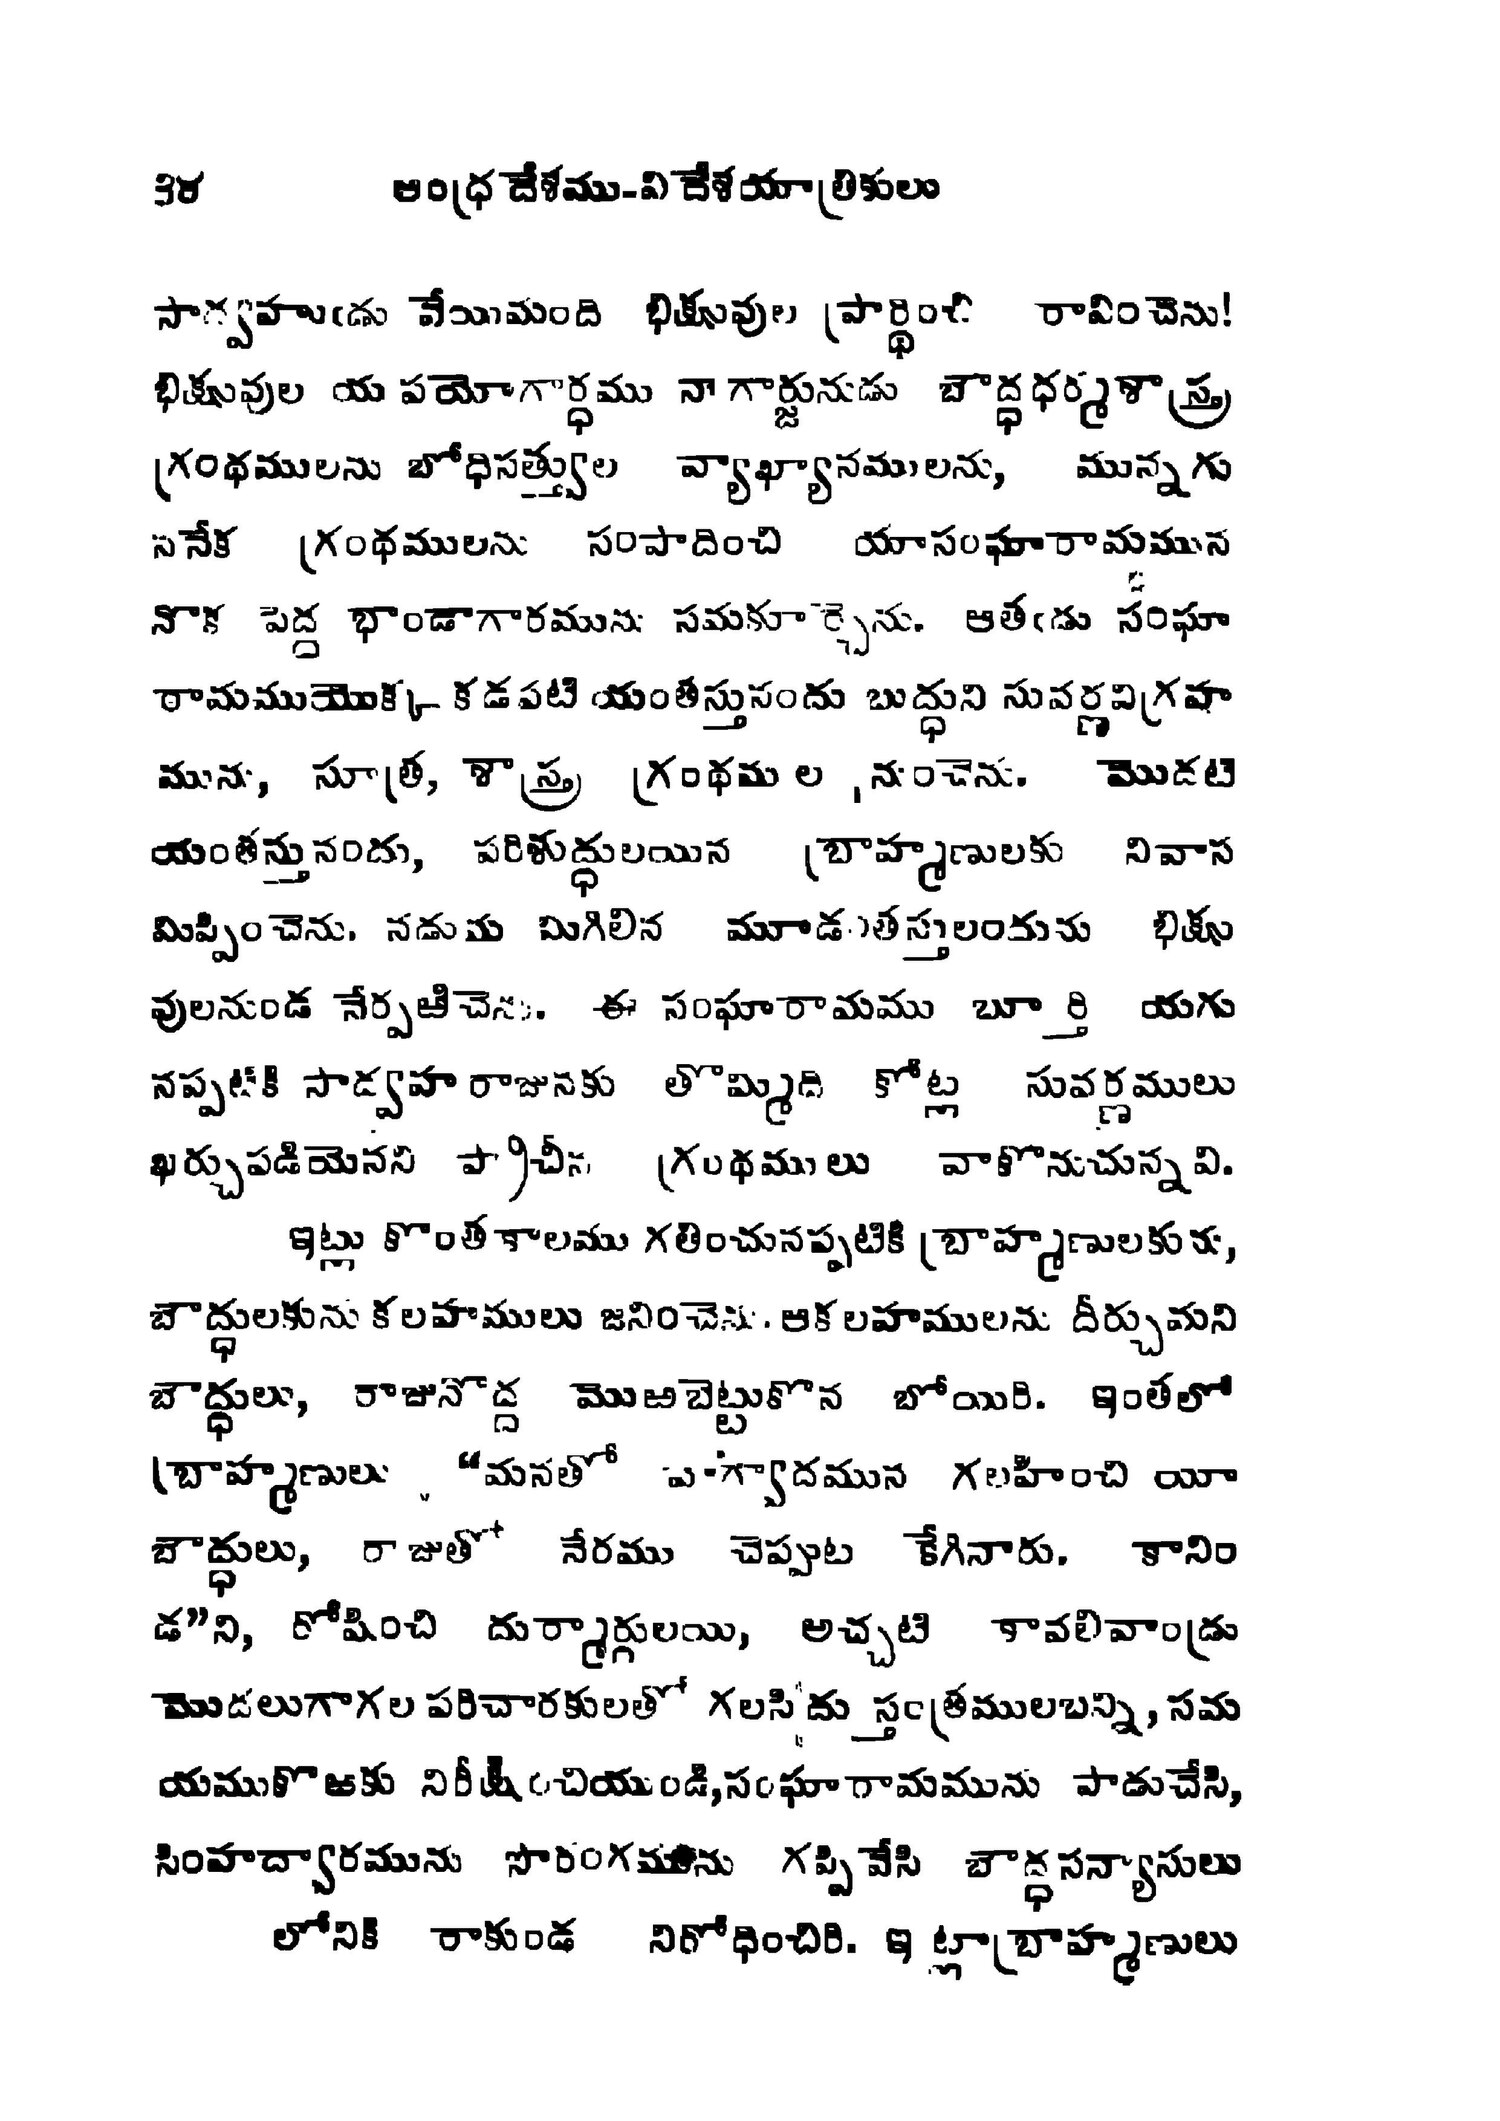సాద్వహుడు వేయిమంది భిక్షువుల ప్రార్థించి రావించెను! భిక్షువుల యుపయోగార్ధము నాగార్జునుడు బౌద్ధధర్మశాస్త్ర గ్రంథములను బోధిసత్త్వుల వ్యాఖ్యానములను, మున్నగు ననేక గ్రంథములను సంపాదించి యాసంఘారామమున నొక పెద్ద భాందాగారమును సమకూర్చెను. ఆతడు సంఘారామముయొక్క కడపటి యంతస్తునందు బుద్ధుని సువర్ణవిగ్రహమును, సూత్ర, శాస్త్ర గ్రంథముల, నుంచెను. మొదటి యంతస్తునందు, పరిశుద్ధలయిన బ్రాహ్మణులకు నివాస మిప్పించెను. నడుమ మిగిలిన మూడంతస్తులందును భిక్షువులనుండ నేర్పఱిచెను. ఈ సంఘారామము బూర్తి యగునప్పటికి సాద్వహరాజునకు తొమ్మిది కోట్ల సువర్ణములు ఖర్చుపడియెనని ప్రాచీన గ్రంథములు వాకొనుచున్నవి.

ఇట్లు కొంతకాలము గతించునప్పటికి బ్రాహ్మణులకును, బౌద్ధులకును కలహములు జనించెను. ఆకలహములను దీర్చుమని బౌద్ధులు, రాజునొద్ద మొఱబెట్టుకొన బోయిరి. ఇంతలో బ్రాహ్మణులు "మనతో వాగ్వాదమున గలహించి యీ బౌద్ధులు, రాజుతో నేరము చెప్పుట కేగినారు. కానిండ"ని, రోషించి దుర్మార్గులయి, అచ్చటి కావలివాండ్రు మొదలుగాగల పరిచారకులతో గలసి దుస్తంత్రములబన్ని, సమయముకొఱకు నిరీక్షించియుండి, సంఘారామమును పాడుచేసి, సింహద్వారమును సొరంగమును గప్పివేసి బౌద్ధసన్యాసులు లోనికి రాకుండ నిరోధించిరి. ఇట్లా బ్రాహ్మణులు